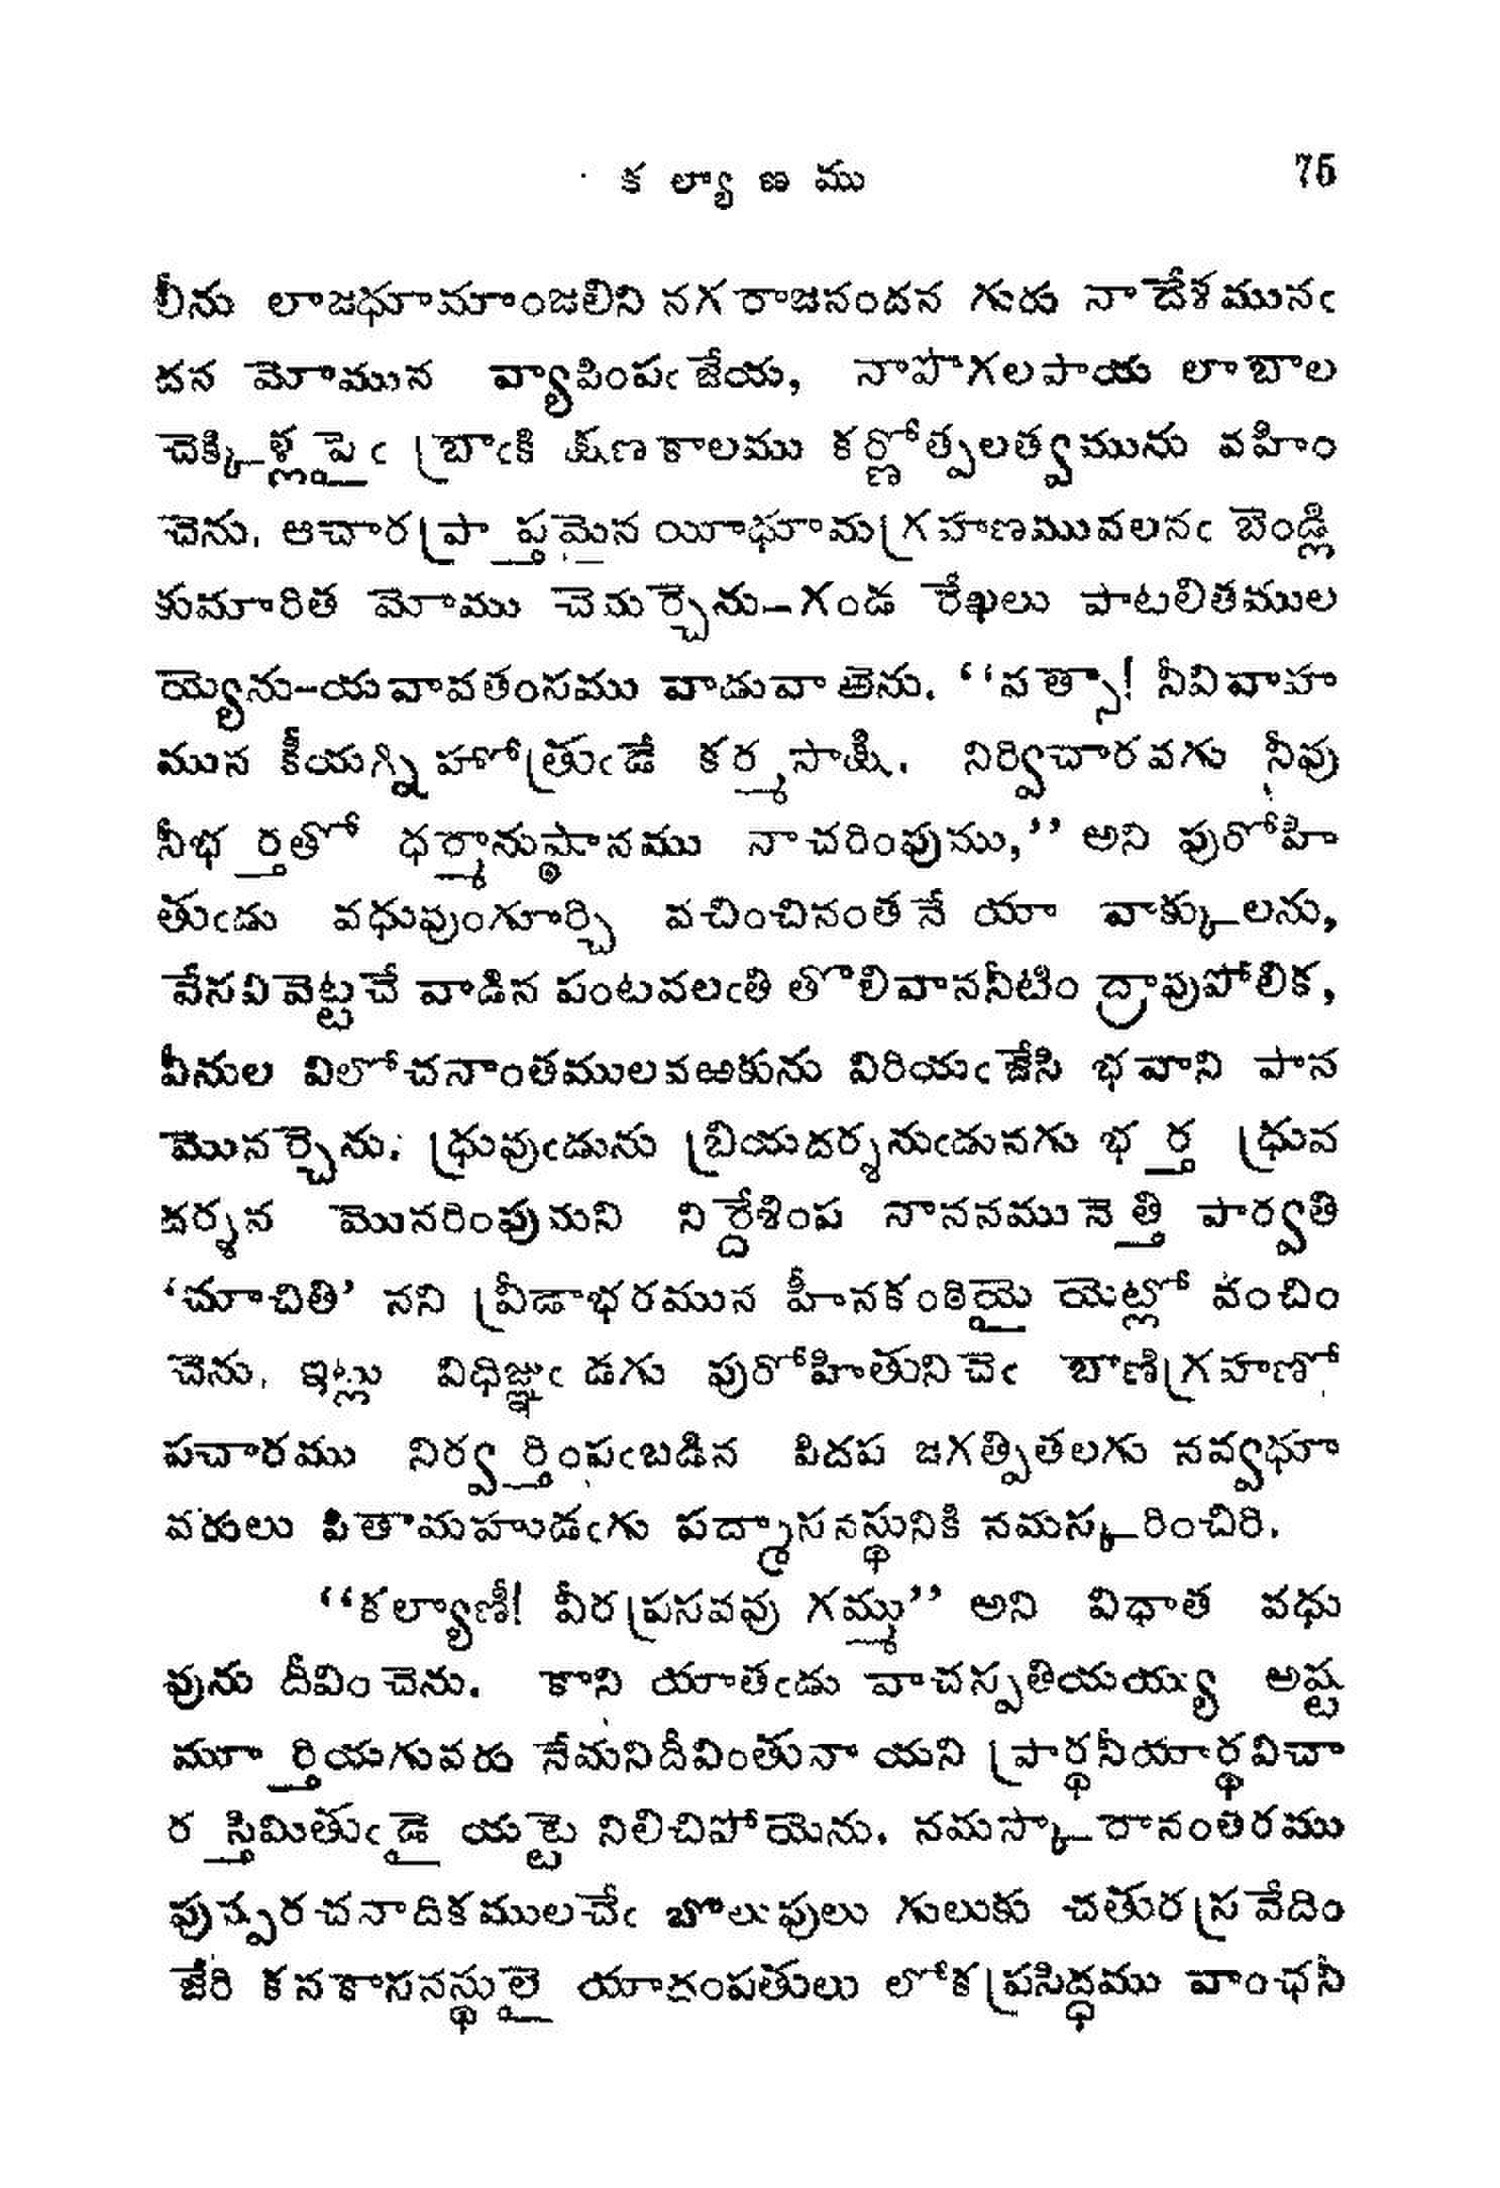లీను లాజధూమాంజలిని నగ రాజనందన గురు నా దేశమునఁ దన మోమున వ్యాపింపఁజేయ, నాపొగలపాయ లాబాల
చెక్కిళ్లపైఁ బ్రాఁకి క్షణ కాలము కర్ణోత్పలత్వమును వహించెను, ఆచారప్రాప్తమైన యీధూమగ్రహణమువలనఁ బెండ్లి
కుమారిత మోము చెమర్చేను - గండ రేఖలు పాటలితములయ్యెను-యవావతంసము వాడువాఱెను. “వత్సా! నీవివాహ
మున కీయగ్నిహోత్రుఁడే కర్మసాక్షి. నిర్విచారవగు నీవు నీభర్తతో ధర్మానుష్టానము నాచరింపుము," అని పురోహితుఁడు వధువుంగూర్చి వచించినంతనే యా వాక్కులను, వేసవి వెట్టచే వాడిన పంటవలఁతి తొలివాననీటిం ద్రావుపోలిక,
వీనుల విలోచనాంతముల వఱకును విరియఁజేసి భవాని పానమొనర్చెను. ధ్రువుఁడును బ్రియదర్శనుఁడునగు భర్త ధ్రువ
దర్శన మొనరింపుమని నిర్దేశింప నాననము నెత్తి పార్వతి 'చూచితి' నని వ్రీడాభరమున హీనకంఠియై యెట్లో వంచించెను. ఇట్లు విధిజ్ఞుఁ డగు పురోహితునిచెఁ బాణిగ్రహణోపచారము నిర్వర్తింపఁబడిన పిదప జగత్పితలగు నవ్వధూవరులు పితామహుడఁగు పద్మాసనస్థునికి నమస్కరించిరి.

"కల్యాణీ! వీర ప్రసవపు గమ్ము” అని విధాత వధువును దీవించెను. కాని యాతఁడు వాచస్పతియయ్యు అష్టమూర్తియగువరు నేమని దీవింతునా యని ప్రార్థనీయార్థ విచార స్తిమితుఁడై యట్టె నిలిచిపోయెను. నమస్కారానంతరము పుష్పరచనాదికము లచేఁ బొలుపులు గులుకు చతురస్రవేదిం జేరి కనకాసనస్థులై యాదంపతులు లోక ప్రసిద్ధము వాంఛనీ